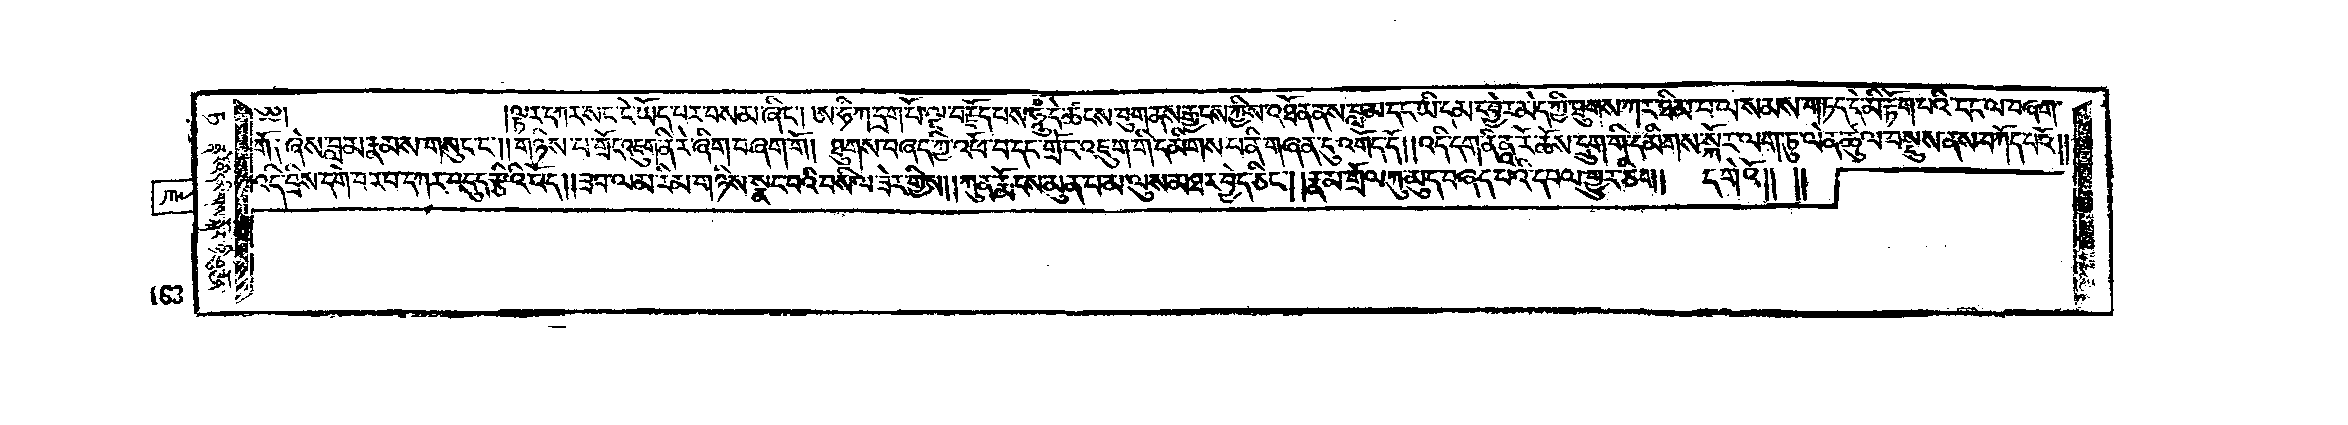༄༅། །ལྟར་དཀར་སང་ངེ་ཡོད་པར་བསམ་ཞིང་། ཨ་ཧི་ཀ་དྲག་པོ་ལྔ་བརྗོད་པས་ཧཱུཾ་དེ་ཚངས་བུག་ནས་རྒྱངས་ཀྱིས་འཐོན་ནས་བླ་མ་དང་ཡི་དམ་དབྱེར་མེད་ཀྱི་ཐུགས་ཀར་ཐིམ་པ་ལ་སེམས་གཏད་དེ་མི་རྟོག་པའི་ངང་ལ་བཞག་
གོ། ཞེས་བླ་མ་རྣམས་གསུང་ངོ། །གཉིས་པ་གྲོང་འཇུག་ནི་རེ་ཞིག་བཞག་གོ། ཐུགས་བཞད་ཀྱི་འཕོ་བ་དང་གྲོང་འཇུག་གི་དམིགས་པ་ནི་གཞན་དུ་འགོད་དོ། །འདི་དག་ནི་ནཱ་རོ་ཆོས་དྲུག་གི་དམིགས་སྐོར་ལག་ཏུ་ལེན་ཚུལ་བསྡུས་ནས་བཀོད་པའོ།
འདི་བྲིས་དགེ་བ་རབ་དཀར་བདུད་རྩིའི་འོད། །ཟབ་ལམ་རིམ་གཉིས་སྣང་བའི་བསིལ་ཟེར་གྱིས། །ཀུན་རྨོངས་མུན་པ་མ་ལུས་མཐར་བྱེད་ཅིང་། །རྣམ་གྲོལ་ཀུ་མུད་བཞད་པའི་དཔལ་གྱུར་ཅིག །དགེའོ།། །།